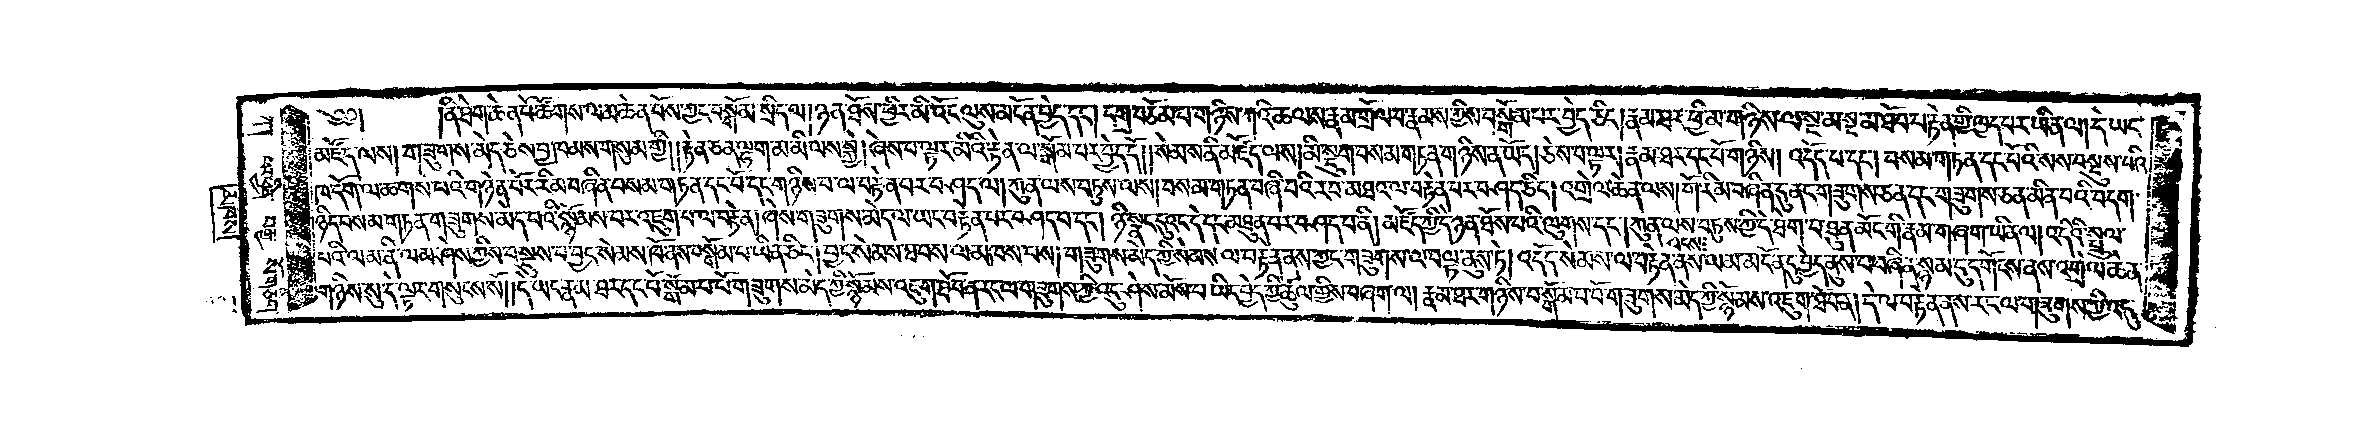༄༅། །ནི་ཐེག་ཆེན་པོ་ཚོགས་ལམ་ཆེན་པོས་ཀྱང་བསྒོམ་སྲིད་ལ། ཉན་ཐོས་ཕྱིར་མི་འོང་ལུས་མངོན་བྱེད་དང་། དགྲ་བཅོམ་པ་གཉིས་ཀའི་ཆ་ལས་རྣམ་གྲོལ་བ་རྣམས་ཀྱིས་བསྒོམ་པར་བྱེད་ཅིང་། རྣམ་ཐར་ཕྱི་མ་གཉིས་ལ་སྔ་མ་སྔ་མ་ཐོབ་པ་རྟེན་གྱི་ཁྱད་པར་ཡིན་ལ། དེ་ཡང་
མཛོད་ལས། གཟུགས་མེད་ཅེས་བྱ་ཁམས་གསུམ་གྱི། །རྟེན་ཅན་ལྷག་མ་མི་ལས་སྐྱེ། ཞེས་པ་ལྟར་མིའི་རྟེན་ལ་སྒོམ་པར་བྱེད་དོ། །སེམས་ནི་མཛོད་ལས། མི་སྡུག་བསམ་གཏན་གཉིས་ན་ཡོད། ཅེས་པ་ལྟར། རྣམ་ཐར་དང་པོ་གཉིས། འདོད་པ་དང་། བསམ་གཏན་དང་པོའི་སས་བསྡུས་པའི་
ཁ་དོག་ལ་ཆགས་པའི་གཉེན་པོར་རིམ་བཞིན་བསམ་གཏན་དང་པོ་དང་གཉིས་པ་ལ་བརྟེན་པར་བཤད་ལ། ཀུན་ལས་བཏུས་ལས། བསམ་གཏན་བཞི་བའི་རབ་མཐའ་ལ་བརྟེན་པར་བཤད་ཅིང་། འགྲེལ་ཆེན་ལས། གོ་རིམ་བཞིན་དུ་ནང་གཟུགས་ཅན་དང་གཟུགས་ཅན་མིན་པའི་བདག་
ཉིད་བསམ་གཏན་གཟུགས་མེད་པའི་སྙོམས་པར་འཇུག་པ་ལ་བརྟེན། ཞེས་གཟུགས་མེད་ལ་ཡང་བརྟེན་པར་བཤད་པ་དང་། ཉི་སྣང་དུའང་དེ་དང་མཐུན་པར་བཤད་པ་ནི། མཛོད་ཀྱི་དེ་ཉན་ཐོས་པའི་ལུགས་དང་། ཀུན་ལས་བཏུས་ཀྱི་དེ་ཐེག་པ་ཐུན་མོང་གི་རྣམ་གཞག་ཡིན་ལ། འདིའི་སྤྲུལ་
པའི་ལམ་ནི་ལམ་ཤེས་ཀྱིས་བསྡུས་པ་བྱང་སེམས་ཁོ་ནས་བསྒོམ་པ་ཡིན་ཅིང་། བྱང་སེམས་ཐབས་ལ་མཁས་པས། གཟུགས་མེད་ཀྱི་སེམས་ལ་བརྟེན་ནས་ཀྱང་གཟུགས་ལ་བལྟ་ནུས་ཏེ། འདོད་སེམས་ལ་བརྟེན་ནས་འདས་ལམ་མངོན་དུ་བྱེད་ནུས་པ་བཞིན་སྙམ་དུ་དགོངས་ནས་འགྲེལ་ཆེན་
གཉིས་སུ་དེ་ལྟར་གསུངས་སོ། །དེ་ཡང་རྣམ་ཐར་དང་པོ་སྒོམ་པ་པོ་གཟུགས་མེད་ཀྱི་སྙོམས་འཇུག་ཐོབ་ན་རང་ལ་གཟུགས་ཀྱི་འདུ་ཤེས་མོས་པ་ཡིད་བྱེད་ཀྱི་ཚུལ་གྱིས་བཞག་ལ། རྣམ་ཐར་གཉིས་པ་སྒོམ་པ་པོ་གཟུགས་མེད་ཀྱི་སྙོམས་འཇུག་ཐོབ་ན། དེ་ལ་བརྟེན་ནས་རང་ལ་གཟུགས་ཀྱི་འདུ་